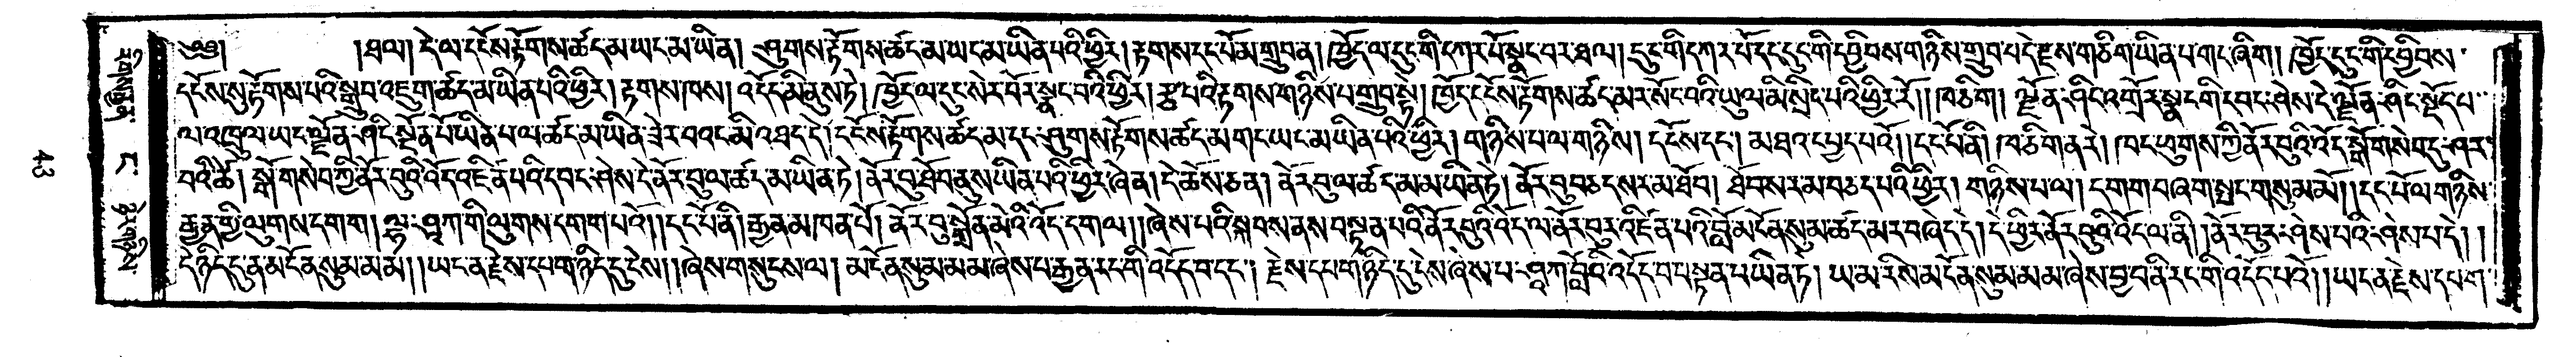༄༅། །ཐལ། དེ་ལ་དངོས་རྟོགས་ཚད་མ་ཡང་མ་ཡིན། ཤུགས་རྟོགས་ཚད་མ་ཡང་མ་ཡིན་པའི་ཕྱིར། རྟགས་དང་པོ་མ་གྲུབ་ན། ཁྱོད་ལ་དུང་གི་དཀར་པོ་སྣང་བར་ཐལ། དུང་གི་དཀར་པོ་དང་དུང་གི་དབྱིབས་གཉིས་གྲུབ་བདེ་རྫས་གཅིག་ཡིན་པ་གང་ཞིག །ཁྱོད་དུང་གི་དབྱིབས་
དངོས་སུ་རྟོགས་པའི་སྒྲུབ་འཇུག་ཚད་མ་ཡིན་པའི་ཕྱིར། རྟགས་ཁས། འདོད་མི་ནུས་ཏེ། ཁྱོད་ལ་དུང་སེར་པོར་སྣང་བའི་ཕྱིར། རྩ་བའི་རྟགས་གཉིས་པ་གྲུབ་སྟེ། ཁྱོད་དངོས་རྟོགས་ཚད་མར་སོང་བའི་ཡུལ་མི་སྲིད་པའི་ཕྱིར་རོ། །ཁ་ཅིག །ལྗོན་ཤིང་འགྲོར་སྣང་གི་དབང་ཤེས་དེ་ལྗོན་ཤིང་སྡོད་པ་
ལ་འཁྲུལ་ཡང་ལྗོན་ཤིང་སྔོན་པོ་ཡིན་པ་ལ་ཚད་མ་ཡིན་ཟེར་བའང་མི་འཐད་དེ། དངོས་རྟོགས་ཚད་མ་དང་ཤུགས་རྟོགས་ཚད་མ་གང་ཡང་མ་ཡིན་པའི་ཕྱིར། གཉིས་པ་ལ་གཉིས། དངོས་དང་། མཐའ་དཔྱད་པའོ། །དང་པོ་ནི། ཁ་ཅིག་ན་རེ། ཁང་ཕུགས་ཀྱི་ནོར་བུའི་འོད་སྒོ་གསེབ་དུ་ཤར་
བའི་ཚེ། སྒོ་གསེབ་ཀྱི་ནོར་བུའི་འོད་འཛིན་པའི་དབང་ཤེས་དེ་ནོར་བུ་ལ་ཚད་མ་ཡིན་ཏེ། ནོར་བུ་ཐོབ་ནུས་ཡིན་པའི་ཕྱིར་ཞེ་ན། དེ་ཆོས་ཅན། ནོར་བུ་ལ་ཚད་མ་མ་ཡིན་ཏེ། ནོར་བུ་བཅད་སར་མ་ཐོབ། ཐོབ་སར་མ་བཅད་པའི་ཕྱིར། གཉིས་པ་ལ། དགག་བཞག་སྤང་གསུམ་མོ། །དང་པོ་ལ་གཉིས་
རྒྱན་གྱི་ལུགས་དགག །ལྷ་ཤཱཀ་གི་ལུགས་དགག་པའོ། །དང་པོ་ནི། རྒྱན་མཁན་པོ། ནོར་བུ་སྒྲོན་མེའི་འོད་དག་ལ། །ཞེས་པའི་སྐབས་ནས་བསྟན་པའི་ནོར་བུའི་འོད་ལ་ནོར་བུར་འཛིན་པའི་བློ་མངོན་སུམ་ཚད་མར་བཞེད་དེ། དེ་ཕྱིར་ནོར་བུའི་འོད་ལ་ནི། །ནོར་བུར་ཤེས་པའི་ཤེས་པ་དེ། །
དེ་ཉིད་དུ་ན་མངོན་སུམ་མམ། །ཡང་ན་རྗེས་དཔག་ཉིད་དུ་ངེས། །ཞེས་གསུངས་ལ། མངོན་སུམ་མམ་ཞེས་པ་རྒྱན་རང་གི་འདོད་པ་དང་། རྗེས་དཔག་ཉིད་དུ་ངེས་ཞེས་པ་ཤཱཀ་བློའི་འདོད་པ་བསྟན་པ་ཡིན་ཏེ། ཡ་མ་རིས་མངོན་སུམ་མམ་ཞེས་བྱ་བ་ནི་རང་གི་འདོད་པའོ། །ཡང་ན་རྗེས་དཔག་